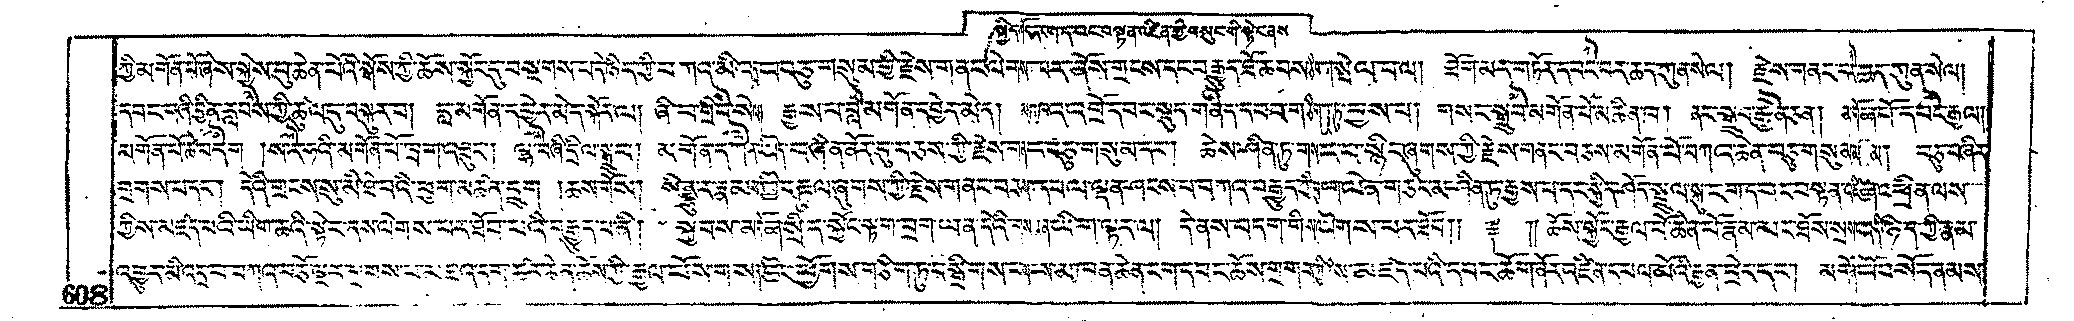ཀྱི་མགོན་པོ་ཞེས་ཀྱེས་བུ་ཆེན་པོའི་སོགས་ཀྱི་ཆོས་སྐྱོང་དུ་བསྔགས་པ་དེ་ཉིད་ཀྱི་བཀའ་མི་འདྲ་བ་བཅུ་གསུམ་གྱི་རྗེས་གནང་སྐྱིད་ཤོད་ངག་དབང་བསྟན་འཛིན་གྱི་གསུང་གི་སྟེང་ནས་ལེགས་པར་ནོས་གྲངས་དང་བརྒྱུད་ཐོ་ཆབས་ཅིག་སྤེལ་བ་ལ། ཐོག་མར་གཏོར་དབང་བར་ཆད་ཀུན་སེལ། རྗེས་གནང་བར་ཆད་ཀུན་སེལ།
དབང་བཞི་བྱིན་རླབས་ཀྱི་ཚུལ་དུ་བསྐུར་བ། བླ་མགོན་དབྱེར་མེད་སྐོར་ལ། ཞི་བ་གྲིབ་སེལ། རྒྱས་པ་བླ་མགོན་དབྱེར་མེད། མཁའ་འགྲོ་དབང་སྡུད་གནོད་དབབ་གཅིག་ཏུ་བྱས་པ། གསང་སྒྲུབ་མགོན་པོ་མཆིན་ཁ། ནང་སྒྲུབ་རྒྱན་ཅན། མགོན་པོ་དབང་རྒྱལ།
མགོན་པོ་ཆེ་བདག །ས་ར་ཧའི་མགོན་པོ་ཁྲག་འཐུང་། ལྷ་བཞི་དྲིལ་སྒྲུབ། མགོན་དཀར་ཡིད་བཞིན་ནོར་བུ་བཅས་ཀྱི་རྗེས་གནང་བཅུ་གསུམ་དང་། ཆེས་ཤིན་ཏུ་གསང་བ་སྙིང་ཞུགས་ཀྱི་རྗེས་གནང་བཅས་མགོན་པོ་བཀའ་ཆེན་བཅུ་གསུམ་མམ། བཅུ་བཞིར་
གྲགས་པ་དང་། དེའི་གྲངས་སུ་མི་ཐེ་བའི་ཕྱག་མཚན་དྲུག །ཆས་གོས། སིནྡྷུ་ར་རྣམས་ཀྱི་བརྟུལ་ཞུགས་ཀྱི་རྗེས་གནང་བཅས་དཔལ་ལྡན་ཤངས་པ་བཀའ་བརྒྱུད་ཀྱི་ཕྱག་ལེན་གཙང་མ་ཤིན་ཏུ་རྒྱས་པ་དང་སྐྱིད་ཤོད་སྤྲུལ་སྐུ་ངག་དབང་བསྟན་འཛིན་འཕྲིན་ལས་
ཀྱིས་མཛད་པའི་ཡིག་ཆའི་སྟེང་ནས་ལེགས་པར་ཐོབ་པའི་བརྒྱུད་པ་ནི། སྐྱབས་མགོན་སྲིད་སྐྱོང་སྟག་བྲག་ཡན་དེའི་གསན་ཡིག་ལྟར་ལ། དེ་ནས་བདག་གིས་ལེགས་པར་ཐོབ།། ༈ །།ཆོས་སྐྱོང་རྒྱལ་པོ་ཆེན་པོ་རྣམ་མང་ཐོས་སྲས་འདི་ཉིད་ཀྱི་རྣམ་
འགྱུར་མི་འདྲ་བ་བཀའ་བཅོ་ལྔར་གྲགས་པ་མཐའ་དག་ཚར་ཆེན་ཆོས་ཀྱི་རྒྱལ་པོས་གསན་ཅིང་ཕྱག་གཅིག་ཏུ་བསྒྲིགས་པ་ལས་མཁན་ཆེན་ངག་དབང་ཆོས་གྲགས་ཀྱིས་མཛད་པའི་དབང་ཆོག་ནོར་འཛིན་དཔལ་མོའི་རྒྱན་ཕྲེང་དང་། མགོན་པོ་བསོད་ནམས་